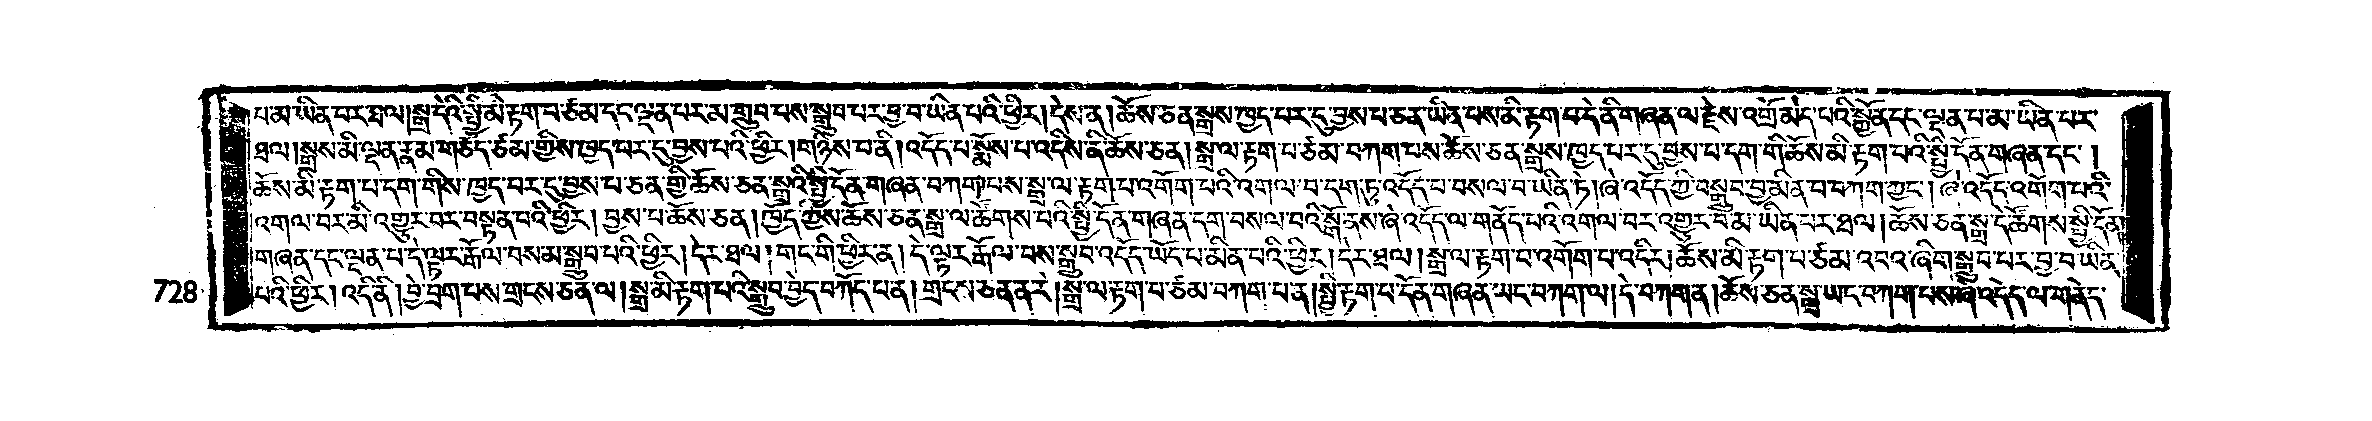པ་མ་ཡིན་པར་ཐལ། སྒྲ་དེའི་སྤྱི་མི་རྟག་པ་ཙམ་དང་ལྡན་པར་མ་གྲུབ་པས་སྒྲུབ་པར་བྱ་བ་ཡིན་པའི་ཕྱིར། དེས་ན། ཆོས་ཅན་སྒྲས་ཁྱད་པར་དུ་བྱས་པ་ཅན་ཡིན་པས་མི་རྟག་པ་དེ་ནི་གཞན་ལ་རྗེས་འགྲོ་མེད་པའི་སྐྱོན་དང་ལྡན་པ་མ་ཡིན་པར་
ཐལ། སྒྲས་མི་ལྡན་རྣམ་གཅོད་ཙམ་གྱིས་ཁྱད་པར་དུ་བྱས་པའི་ཕྱིར། གཉིས་པ་ནི། འདོད་པ་སྨོས་པ་འདིས་ནི་ཆོས་ཅན། སྒྲ་ལ་རྟག་པ་ཙམ་བཀག་པས་ཆོས་ཅན་སྒྲས་ཁྱད་པར་དུ་བྱས་པ་དག་གི་ཆོས་མི་རྟག་པའི་སྤྱི་དོན་གཞན་དང་།
ཆོས་མི་རྟག་པ་དག་གིས་ཁྱད་པར་དུ་བྱས་པ་ཅན་གྱི་ཆོས་ཅན་སྒྲའི་སྤྱི་དོན་གཞན་བཀག་པས་སྒྲ་ལ་རྟག་པ་འགོག་པའི་འགལ་བ་དག་ཏུ་འདོད་པ་བསལ་བ་ཡིན་ཏེ། ཞེ་འདོད་ཀྱི་བསྒྲུབ་བྱ་མིན་པ་བཀག་ཀྱང་། ཞེ་འདོད་འགོག་པའི་
འགལ་བར་མི་འགྱུར་བར་བསྟན་པའི་ཕྱིར། བྱས་པ་ཆོས་ཅན། ཁྱོད་ཀྱིས་ཆོས་ཅན་སྒྲ་ལ་ཚོགས་པའི་སྤྱི་དོན་གཞན་དག་བསལ་བའི་སྒོ་ནས་ཞེ་འདོད་ལ་གནོད་པའི་འགལ་བར་འགྱུར་བ་མ་ཡིན་པར་ཐལ། ཆོས་ཅན་སྒྲ་དེ་ཚོགས་སྤྱི་དོན་
གཞན་དང་ལྡན་པ་དེ་ལྟར་རྒོལ་བས་མ་སྒྲུབ་པའི་ཕྱིར། དེར་ཐལ། གང་གི་ཕྱིར་ན། དེ་ལྟར་རྒོལ་བས་སྒྲུབ་འདོད་ཡོད་པ་མིན་པའི་ཕྱིར། དེར་ཐལ། སྒྲ་ལ་རྟག་པ་འགོག་པ་འདིར། ཆོས་མི་རྟག་པ་ཙམ་འབའ་ཞིག་སྒྲུབ་པར་བྱ་བ་ཡིན་
པའི་ཕྱིར། འདི་ནི། བྱེ་བྲག་པས་གྲངས་ཅན་ལ། སྒྲ་མི་རྟག་པའི་སྒྲུབ་བྱེད་བཀོད་པ་ན། གྲངས་ཅན་ན་རེ། སྒྲ་ལ་རྟག་པ་ཙམ་བཀག་པ་ན། སྤྱི་རྟག་པ་དོན་གཞན་ཡང་བཀག་ལ། དེ་བཀག་ན། ཆོས་ཅན་སྒྲ་ཡང་བཀག་པས་ཞེ་འདོད་ལ་གནོད་